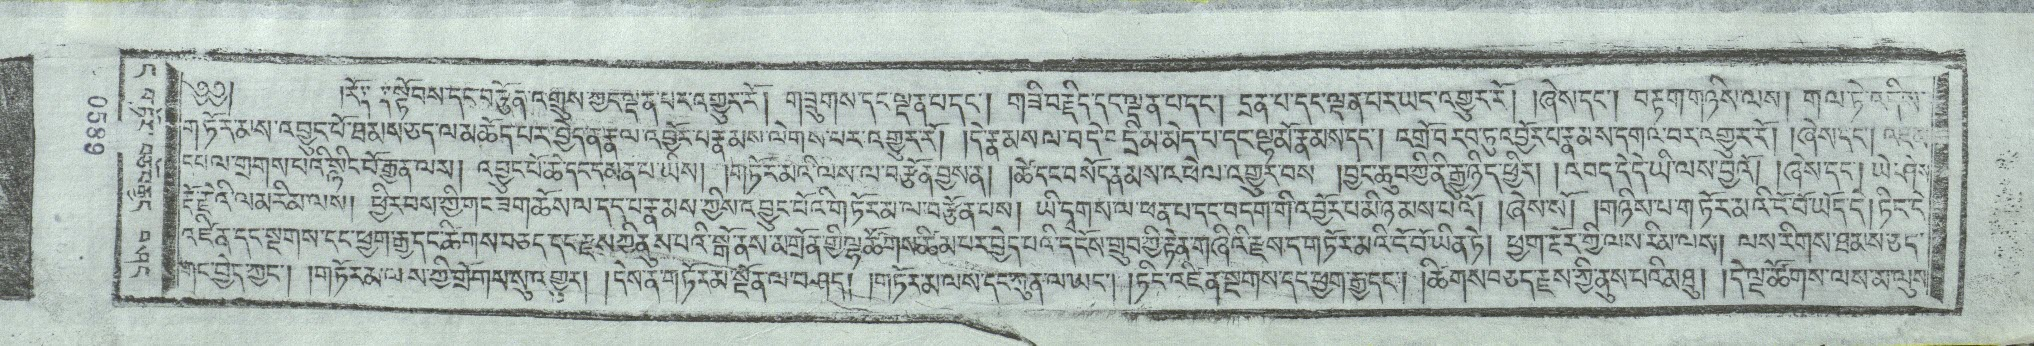༄༅། །རོ༑ ༑སྟོབས་དང་བརྩོན་འགྲུས་ཀྱང་ལྡན་པར་འགྱུར་རོ། གཟུགས་དང་ལྡན་པ་དང་། གཟི་བརྗིད་དང་ལྡན་པ་དང་། དྲན་པ་དང་ལྡན་པར་ཡང་འགྱུར་རོ། །ཞེས་དང་། བརྟག་གཉིས་ལས། གལ་ཏེ་འདིས་
གཏོར་མས་འབྱུང་པོ་ཐམས་ཅད་ལ་མཆོད་པར་བྱེད་ན་རྣལ་འབྱོར་པ་རྣམས་ལེགས་པར་འགྱུར་རོ། །དེ་རྣམས་ལ་བདེ་འདྲི་མ་མེད་པ་དང་ལྷ་མོ་རྣམས་དང་། འགྲོ་བ་རབ་ཏུ་འབྱོར་པ་རྣམས་དགའ་བར་འགྱུར་རོ། །ཞེས་དང་། འཇམ་
དཔལ་གྲགས་བའི་སྙིང་པོ་རྒྱན་ལས། འབྱུང་པོ་ཆེ་དང་དམན་པ་ཡིས། །གཏོར་མའི་ལས་ལ་བརྩོན་བྱས་ན། །ཚེ་དང་བསོད་ནམས་འཕེལ་འགྱུར་བས་།བྱང་ཆུབ་ཀྱི་ནི་རྒྱུ་ཉིད་ཕྱིར། །འབད་དེ་དེ་ཡི་ལས་བྱའོ། །ཞེས་དང་། ཡེ་ཤེས་
རྡོ་རྗེའི་ལམ་རིམ་ལས། ཕྱིར་བས་ཀྱི་གང་ཟག་ཆོས་ལ་དད་པ་རྣམས་ཀྱིས་འབྱུང་པོའི་གཏོར་མ་ལ་བརྩོན་པས། ཡི་དྭགས་ལ་ཕན་པ་དང་བདག་གི་འབྱོར་པ་མི་ཉམས་པའོ། །ཞེས་སོ། །གཉིས་པ་གཏོར་མའི་ངོ་བོ་ཡོད་དེ། ཏིང་ངེ་
འཛིན་དང་སྔགས་དང་ཕྱག་རྒྱ་དང་ཚིགས་བཅད་དང་རྫས་ཀྱི་ནུས་པའི་སྒོ་ནས་མགྲོན་གྱི་ལྷ་ཚོགས་ཚིམ་པར་བྱེད་པའི་དངོས་གྲུབ་ཀྱི་རྟེན་གཞིའི་རྫས་ད་གཏོར་མའི་ངོ་བོ་ཡིན་ཏེ། ཕྱག་རྡོར་གྱི་ལས་རིམ་ལས། པས་རིགས་ཐམས་ཅད་
གང་བྱེད་ཀྱང་། །གཏོར་མ་ལས་ཀྱི་གྲོགས་སུ་འགྱུར། །དེས་ན་གཏོར་མ་སྔོན་ལ་བཤད། །གཏོར་མ་ལས་དང་ཀུན་ལ་ཡང་། །ཏིང་འཛིན་སྔགས་དང་ཕྱག་རྒྱ་དང་། །ཚིགས་བཅད་རྫས་ཀྱི་ནུས་པའི་མཐུ། །དེ་ལྔ་ཚོགས་ལས་མ་ལུས་